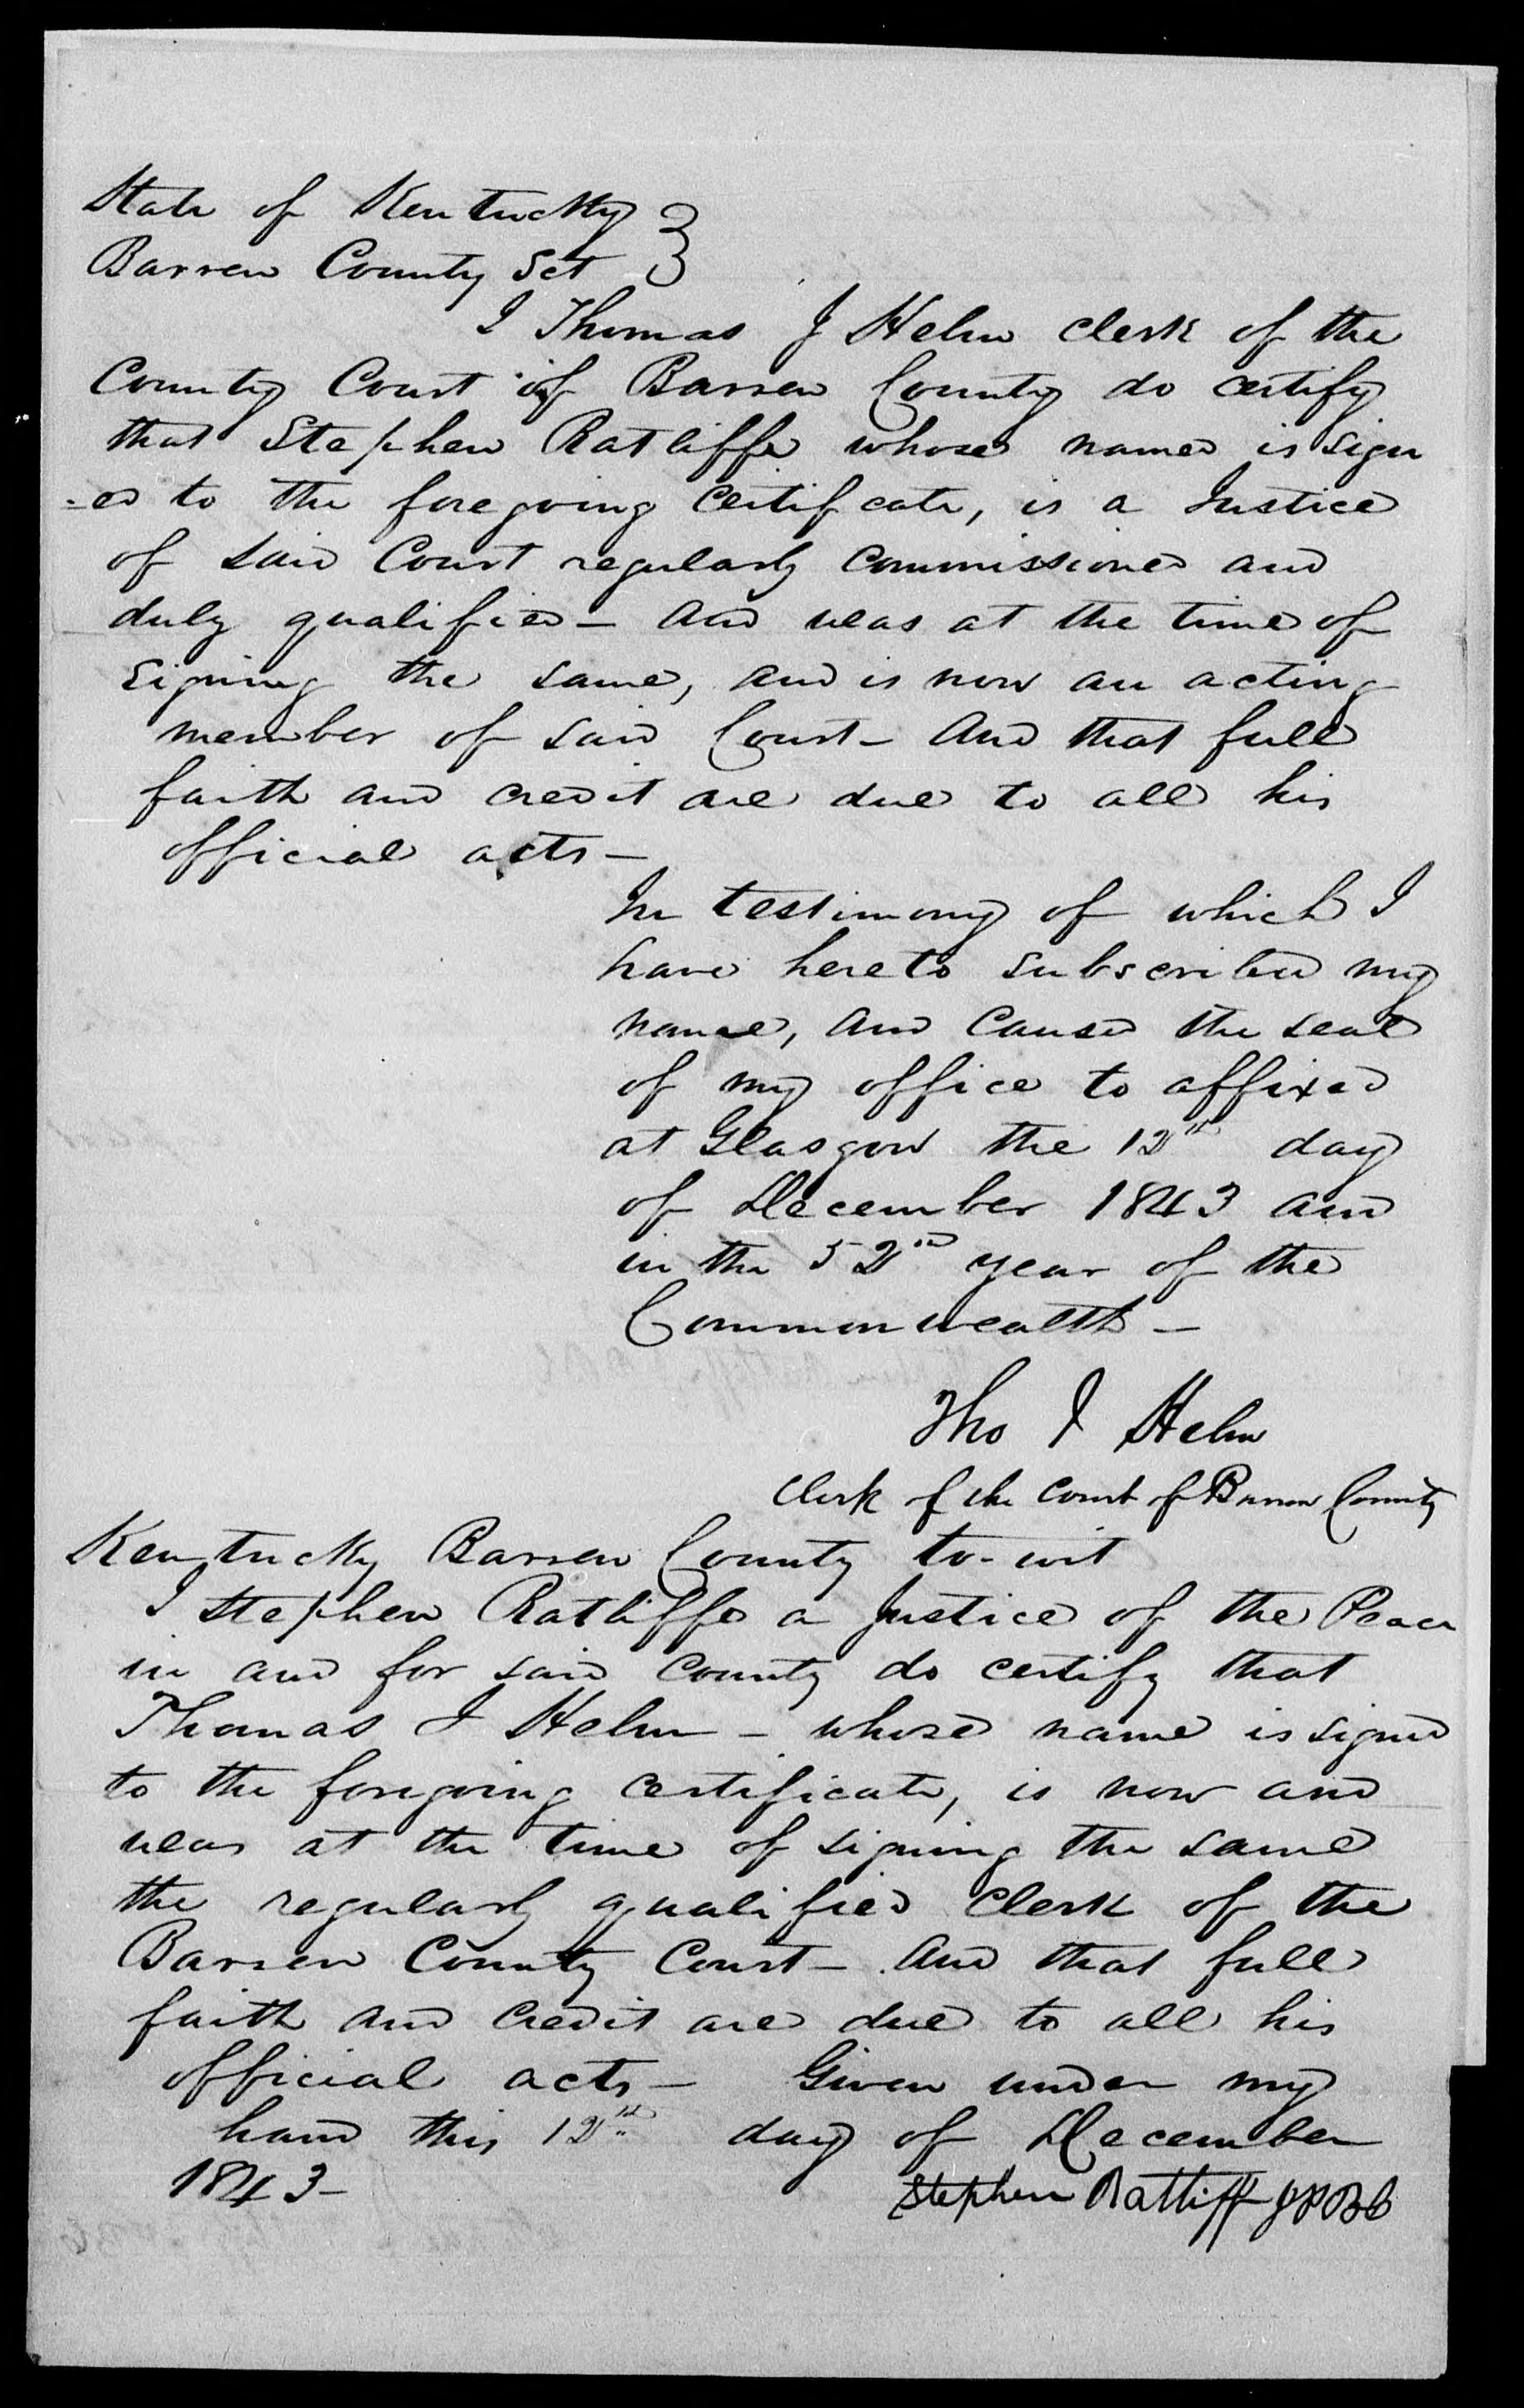State of Kentucky
County Barren County Sct]

I Thomas J Helm clerk of the County Court of Barren County do certify that Stephen Ratliff whose name is signed to the forgoing certificate is a Justice of said Court regularly  Commissioned and duly qualified-and was at the time of signing the same, and is now an acting member of said Court- and that full faith and credit are due to all his official acts-
In testimony of which I have hereto subscribed my name, and cause the seal of my office to affixed at Glasgow the 12th day of December 1843 and in the 52nd year of the Commonwealth-
Tho J Helm
Clerk of the Court of Barren County
 Kentucky Barren County to wit
I Stephen Ratliffe a Justice of the Peace in an for said County do certify that Thomas J Helm-who name is signed to the foregoing certificate is now and was at the time of signing the same the regularly qualified Clerk of the Barren County Court-And that full faith and credit are due to all his official acts-Given under my hand this 12th day of December 1843-
Stephen Ratliffe JPBC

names: Stephen Ratliffe, Tho J Helm, Thomas J Helm, Thomas J Helm, Stephen Ratliff, Stephen Ratliff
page: 56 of 58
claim: widow's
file: W. 8932, John Hiser, Penn.